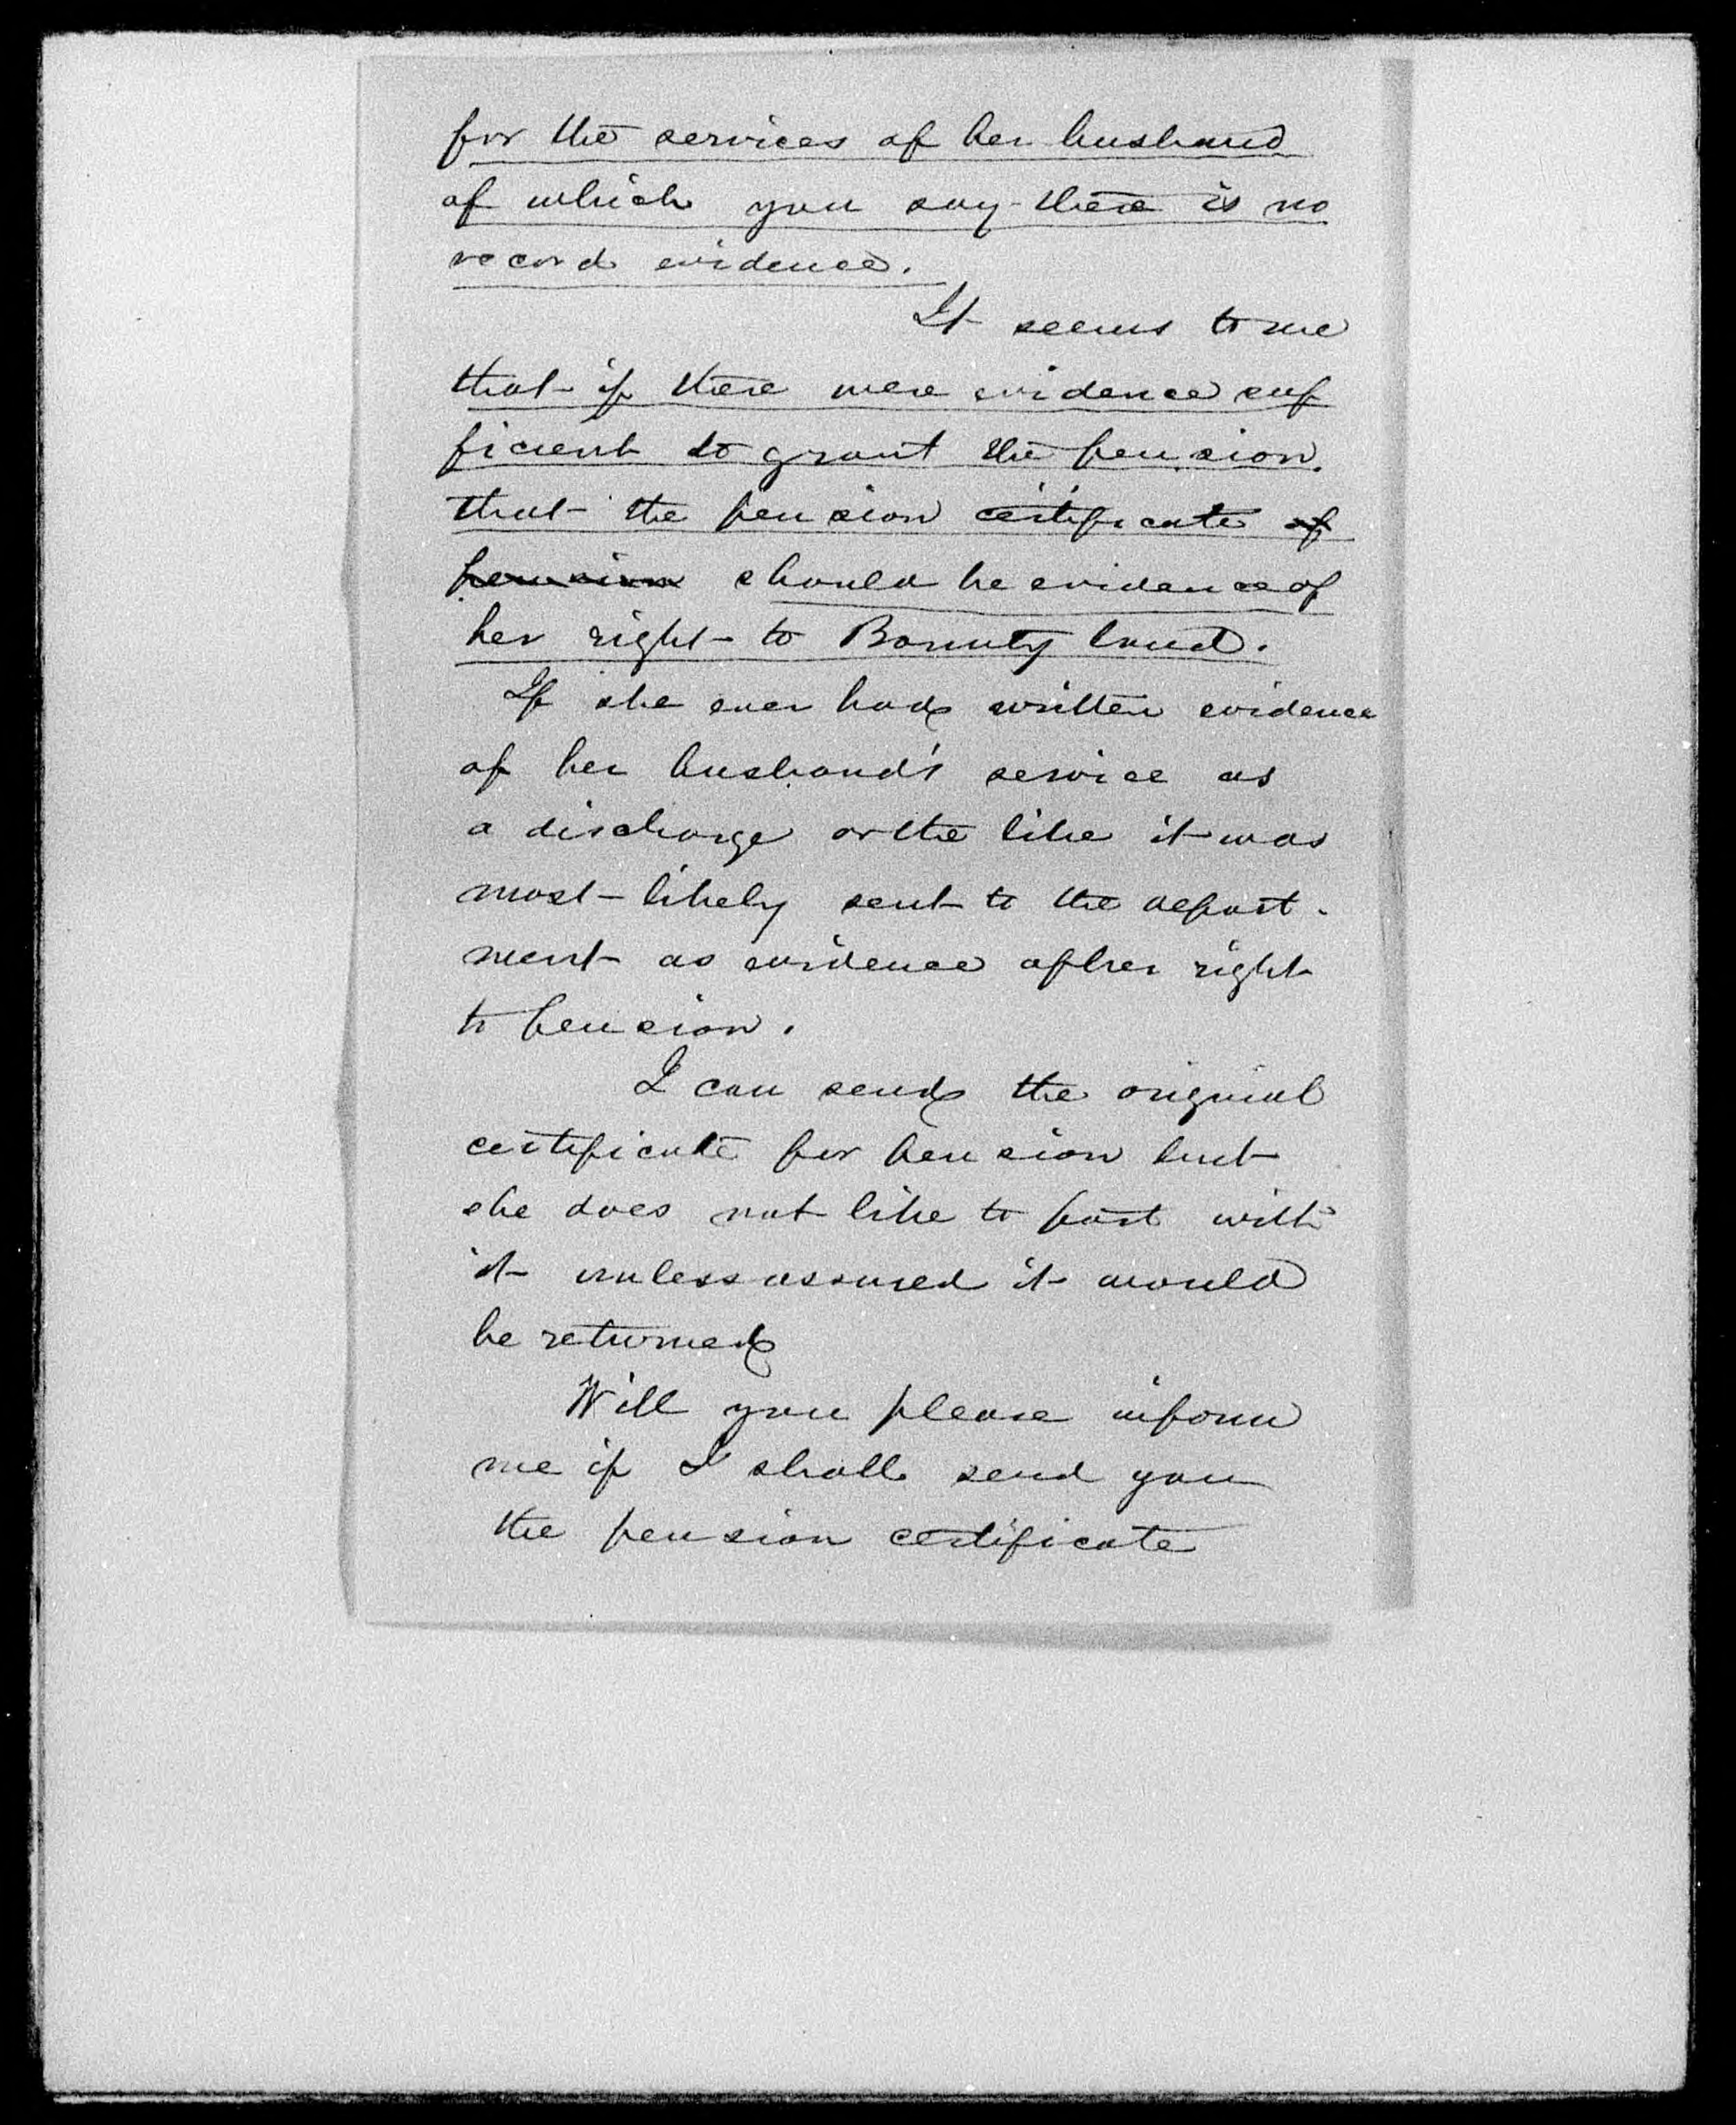for the services of her husband of which you say there is no record evidence.
It seems to me that if there were evidence sufficient to grant the pension that the pension certificate should be evidence of her right to Bounty land.
If she had written evidence of her husband's service as a discharge or the likes it was most likely sent to the department as evidence after right to pension.
I can send the original certificate for pension but she does not like to part with it unless assured it would be returned. 
Will you please inform me if I shall send you the pension certificate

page: 45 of 57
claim: widow's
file: W. 5275 1/2, Michael Foster, Penn.